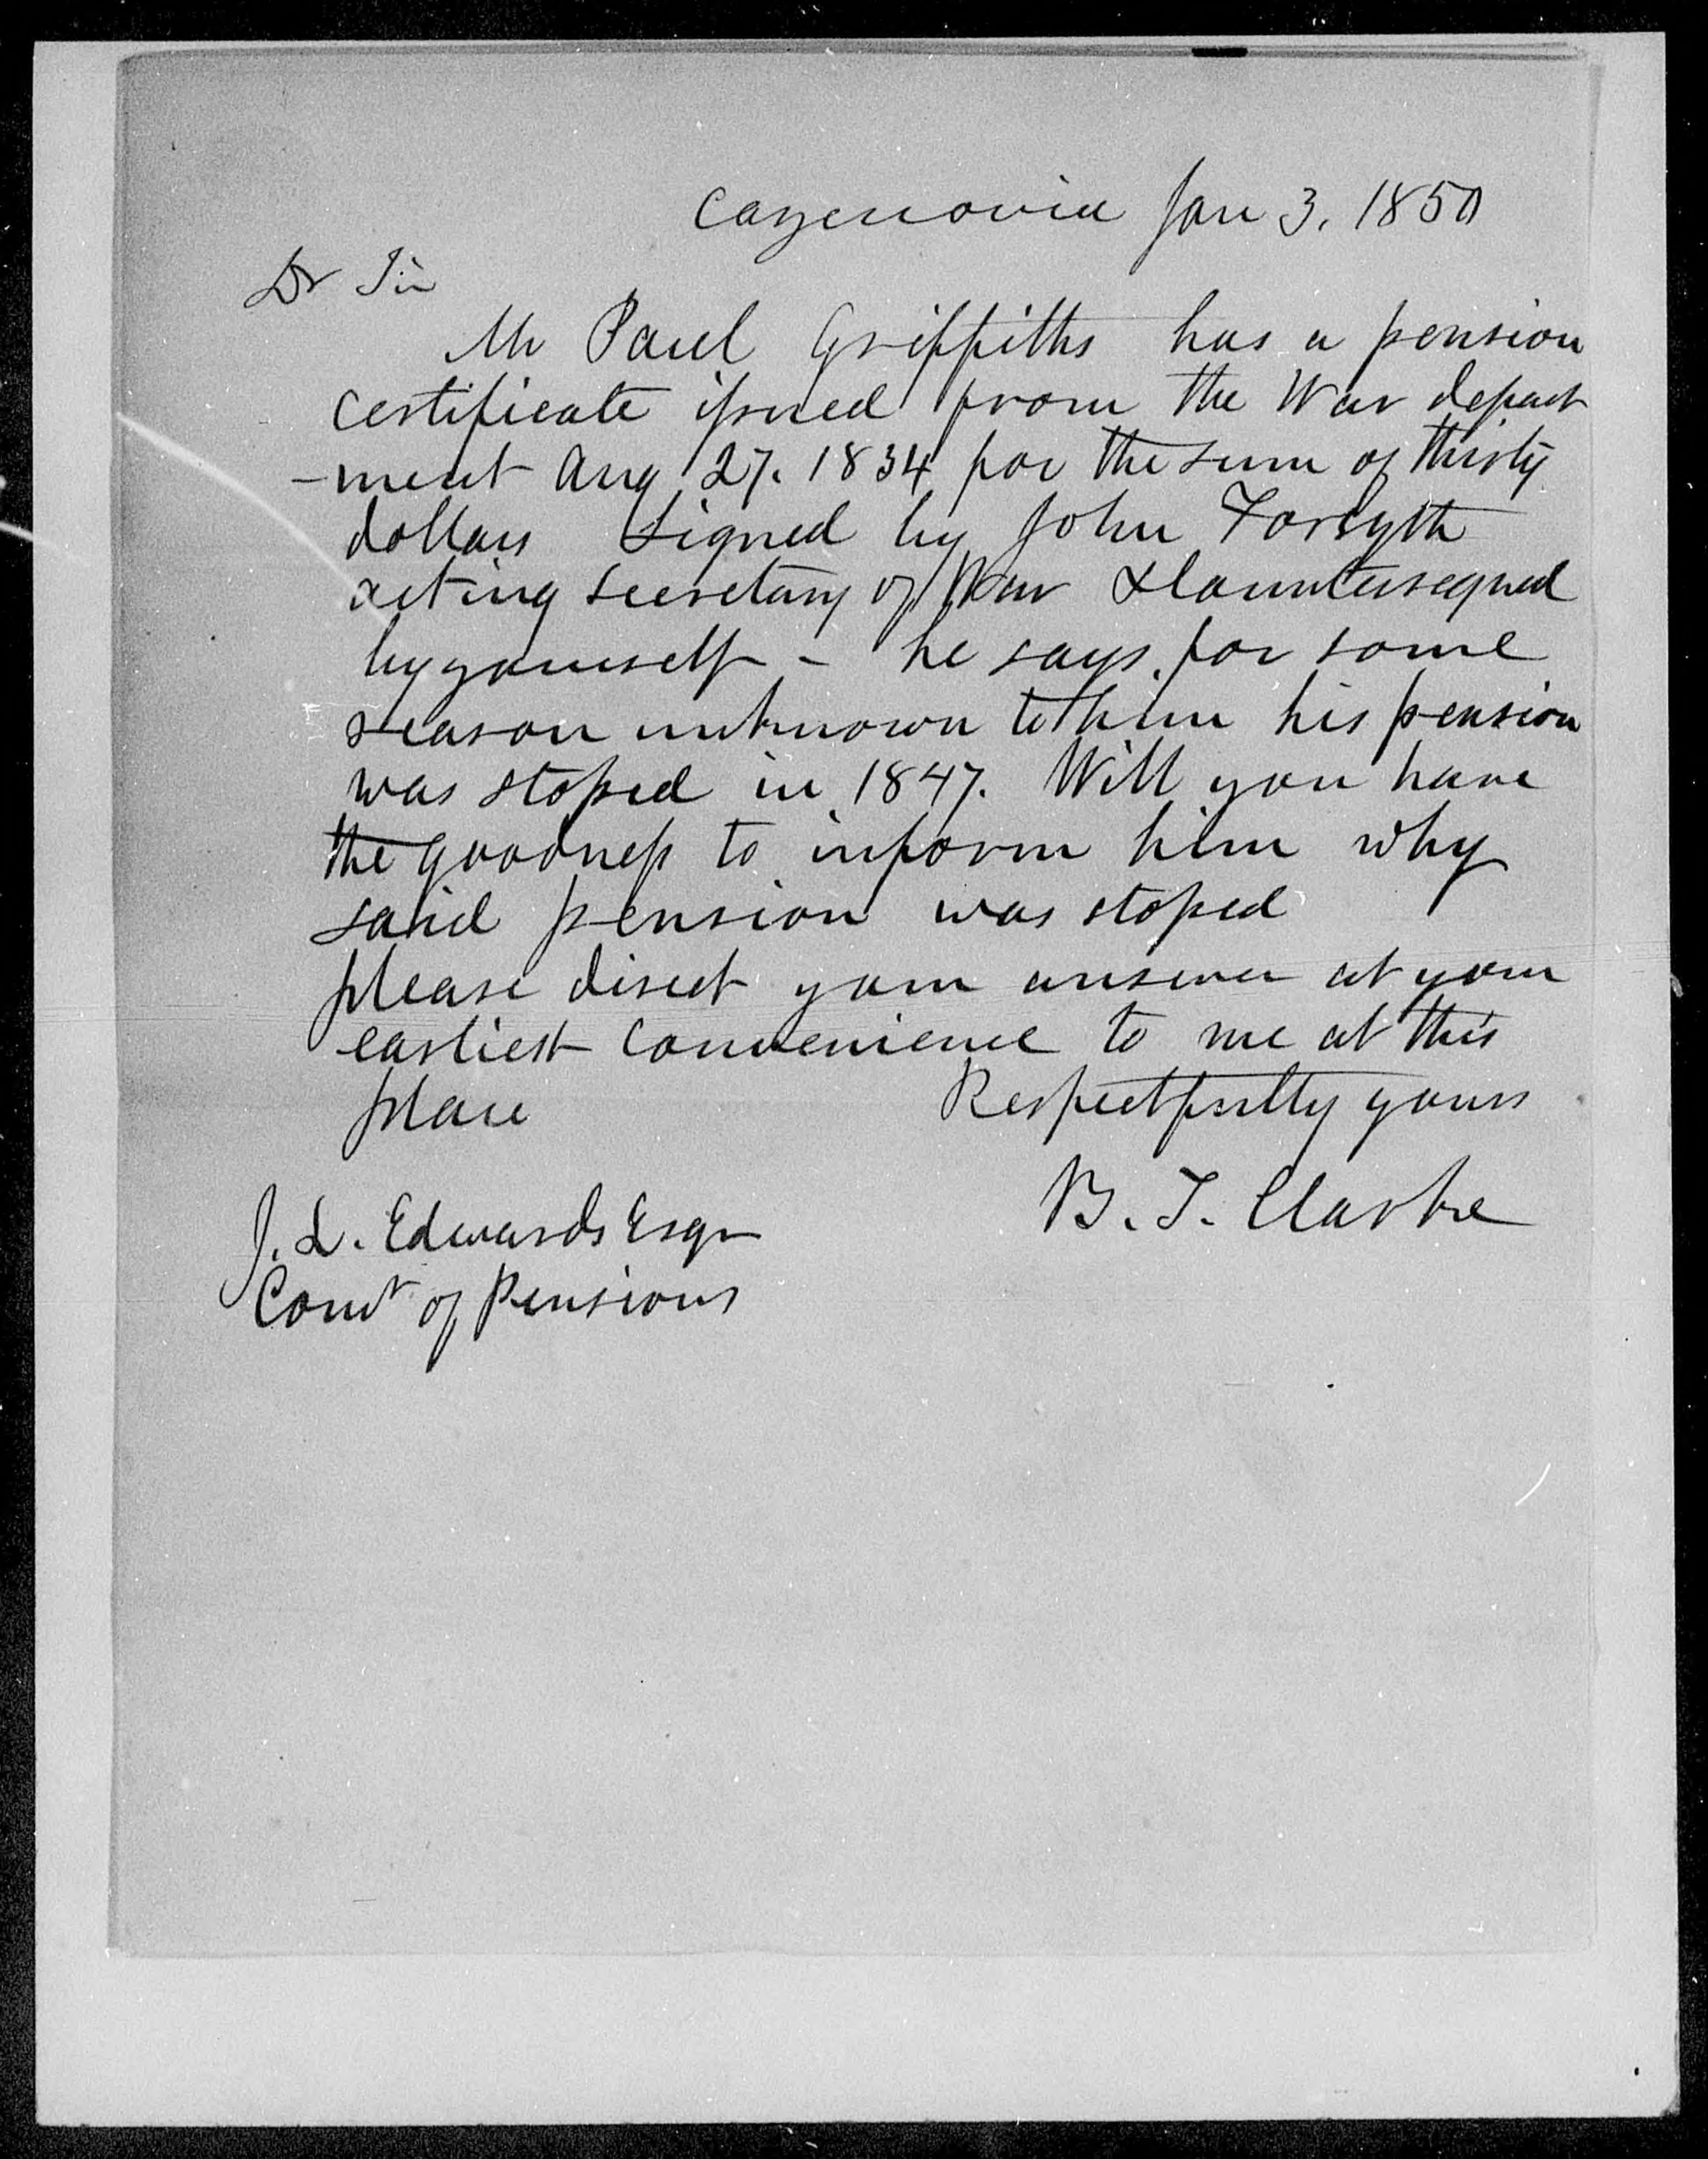Cazenovia, Jan. 3, 1850

Dear Sir,

Mr. Paul Griffiths has a pension certificate issued from the War Department Aug. 27, 1834, for the sum of thirty dollars signed by John Forsyth, Acting Secretary of War & counter signed by yourself - he says for some reason unknown to him, his pension was stopped in 1847. Will you have the goodness to inform him why said pension was stopped. Please direct your answer at your earliest convenience to me at this place -

Respectfully yours,
B.T. Clarke

J.L. Edwards, Esq.
Com'r of Pensions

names: J L Edwards, B T Clarke, Paul Griffiths, John Forsyth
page: 43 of 61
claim: survivor's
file: S. 22798, Paul Griffiths, R.I.